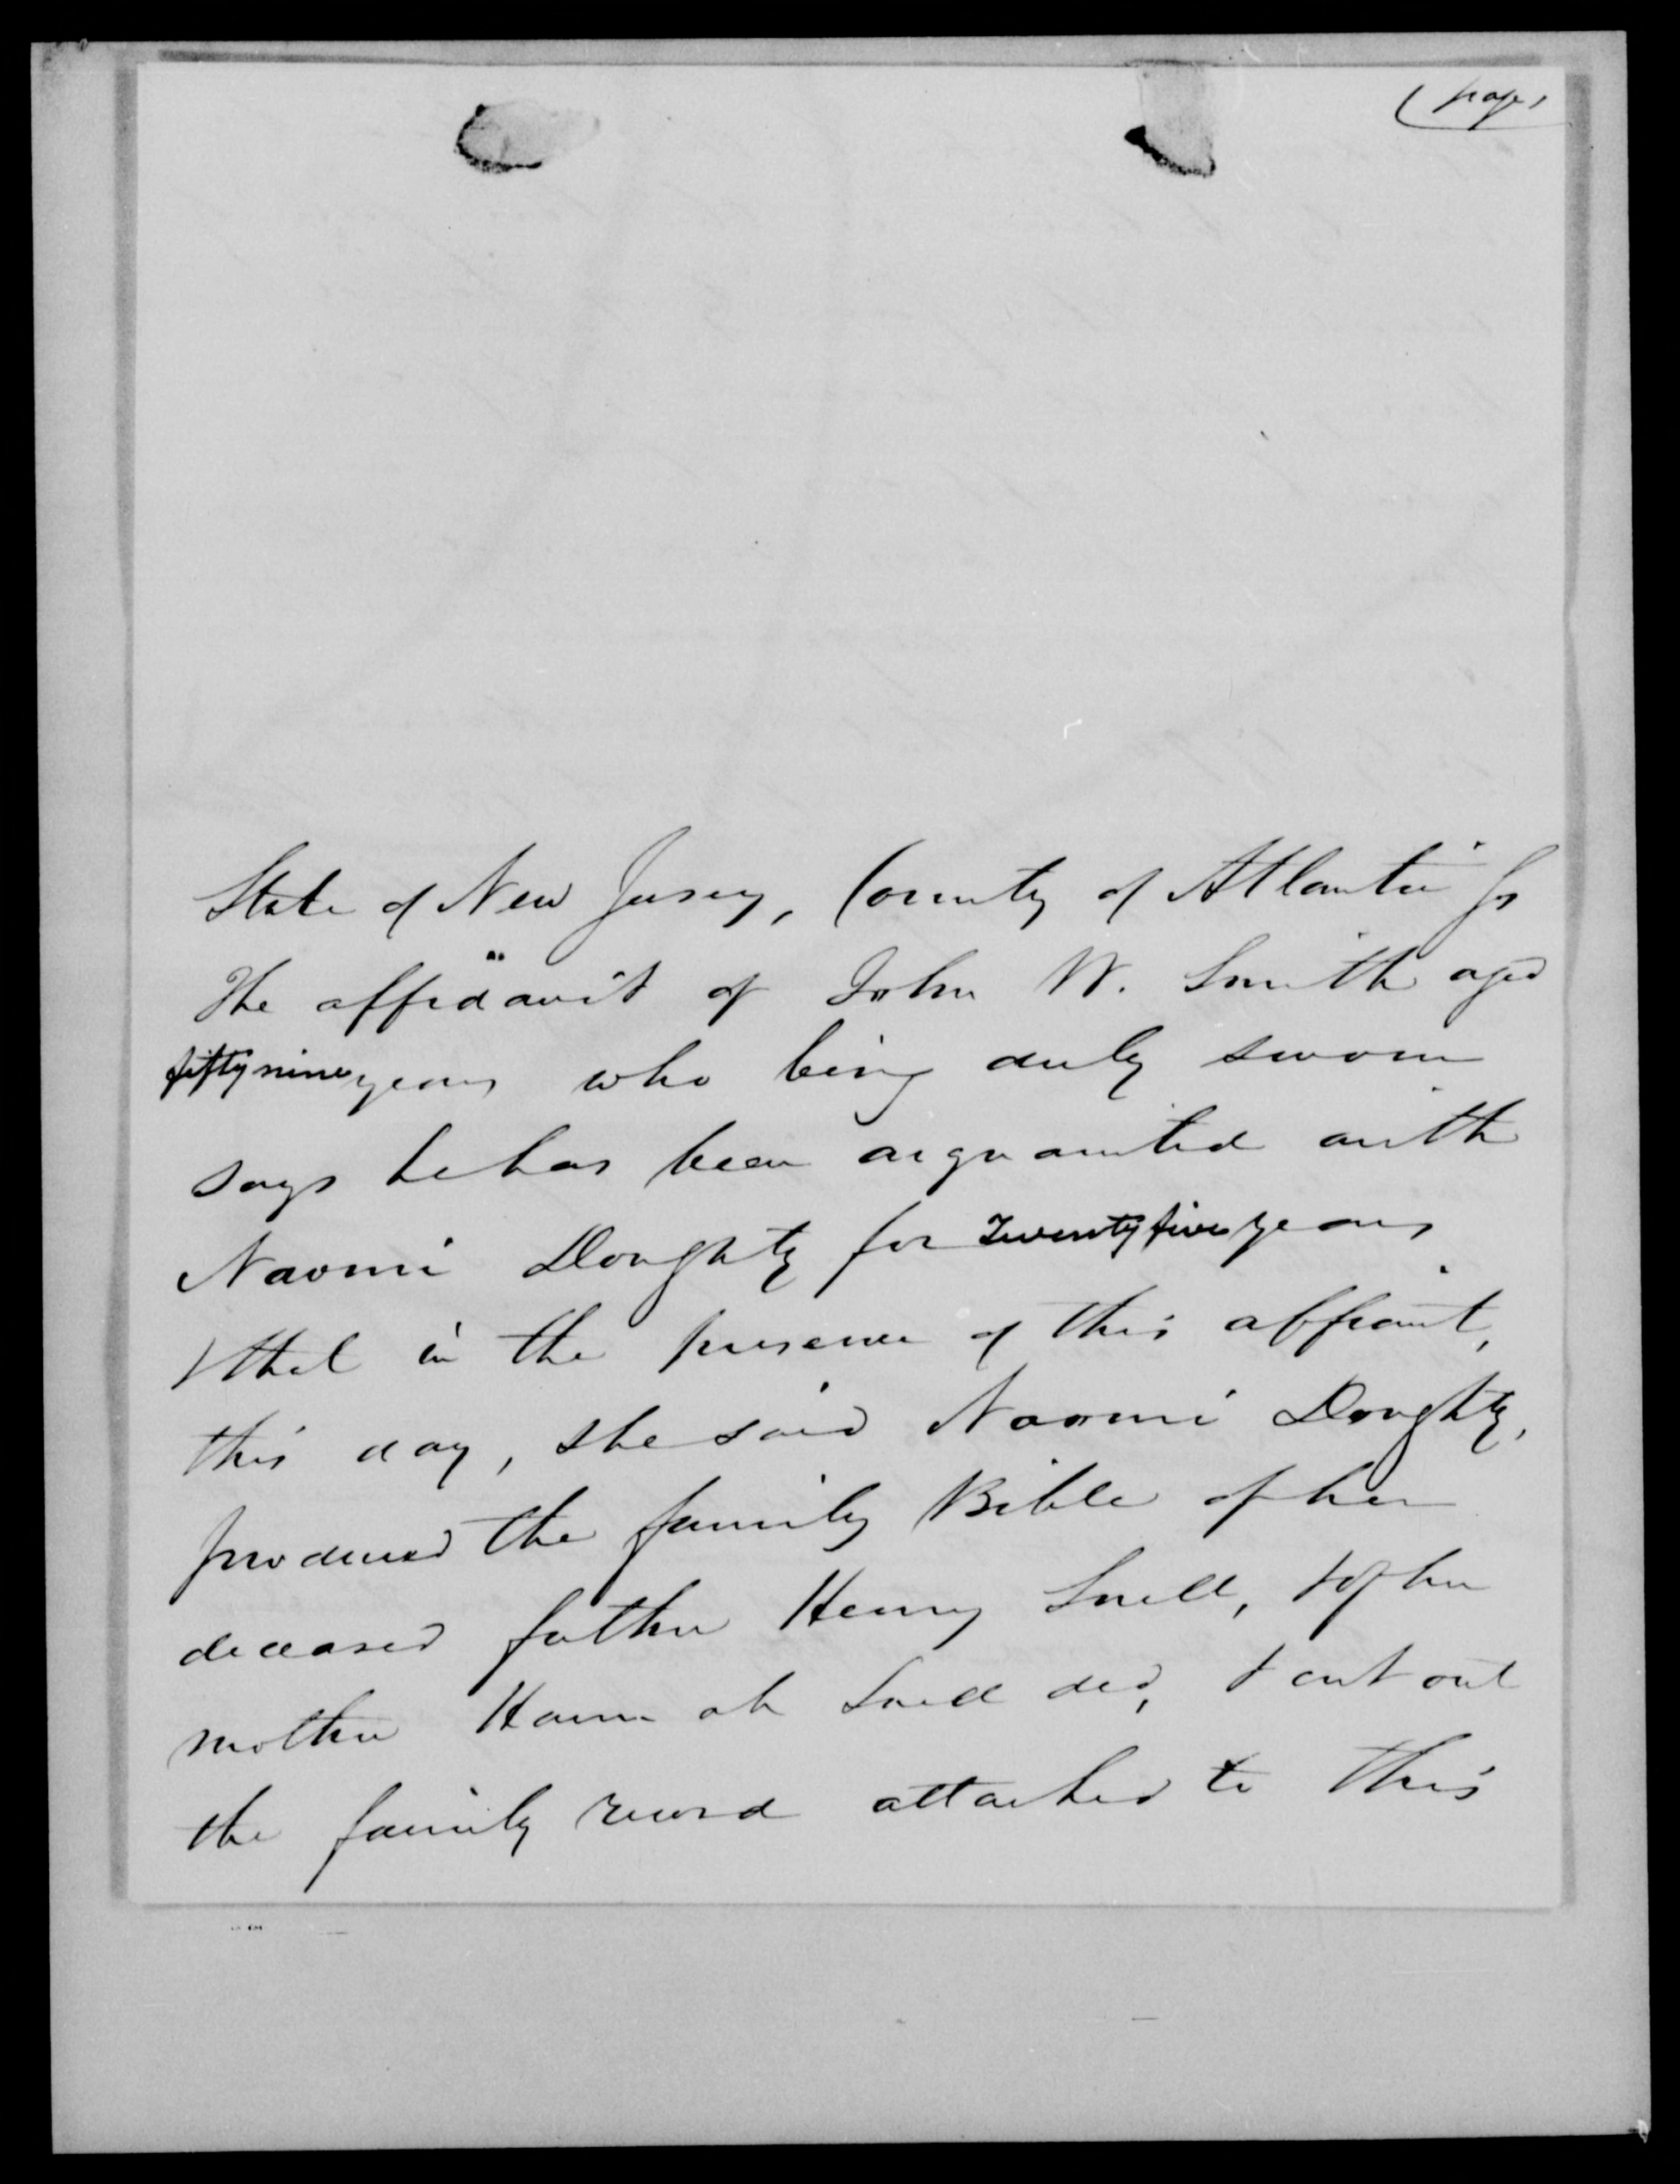State of New Jersey, County of Atlantic 
The affidavit of John W. Smith aged fifty nine years who being duly sworn says he has been acquainted with Naomi Doughty for twenty five years, that in the presence of this affirmant, this day, the said Naomi Doughty, produced the family Bible of her deceased father Henry Snell, of her mother Hannah Snell des, & cut out the family record attached to this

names: Hannah Snell; Naomi Doughty; John W Smith; Henry Snell; Naomi Doughty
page: 20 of 27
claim: rejected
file: R. 9,892, for Henry Snell, New Jersey